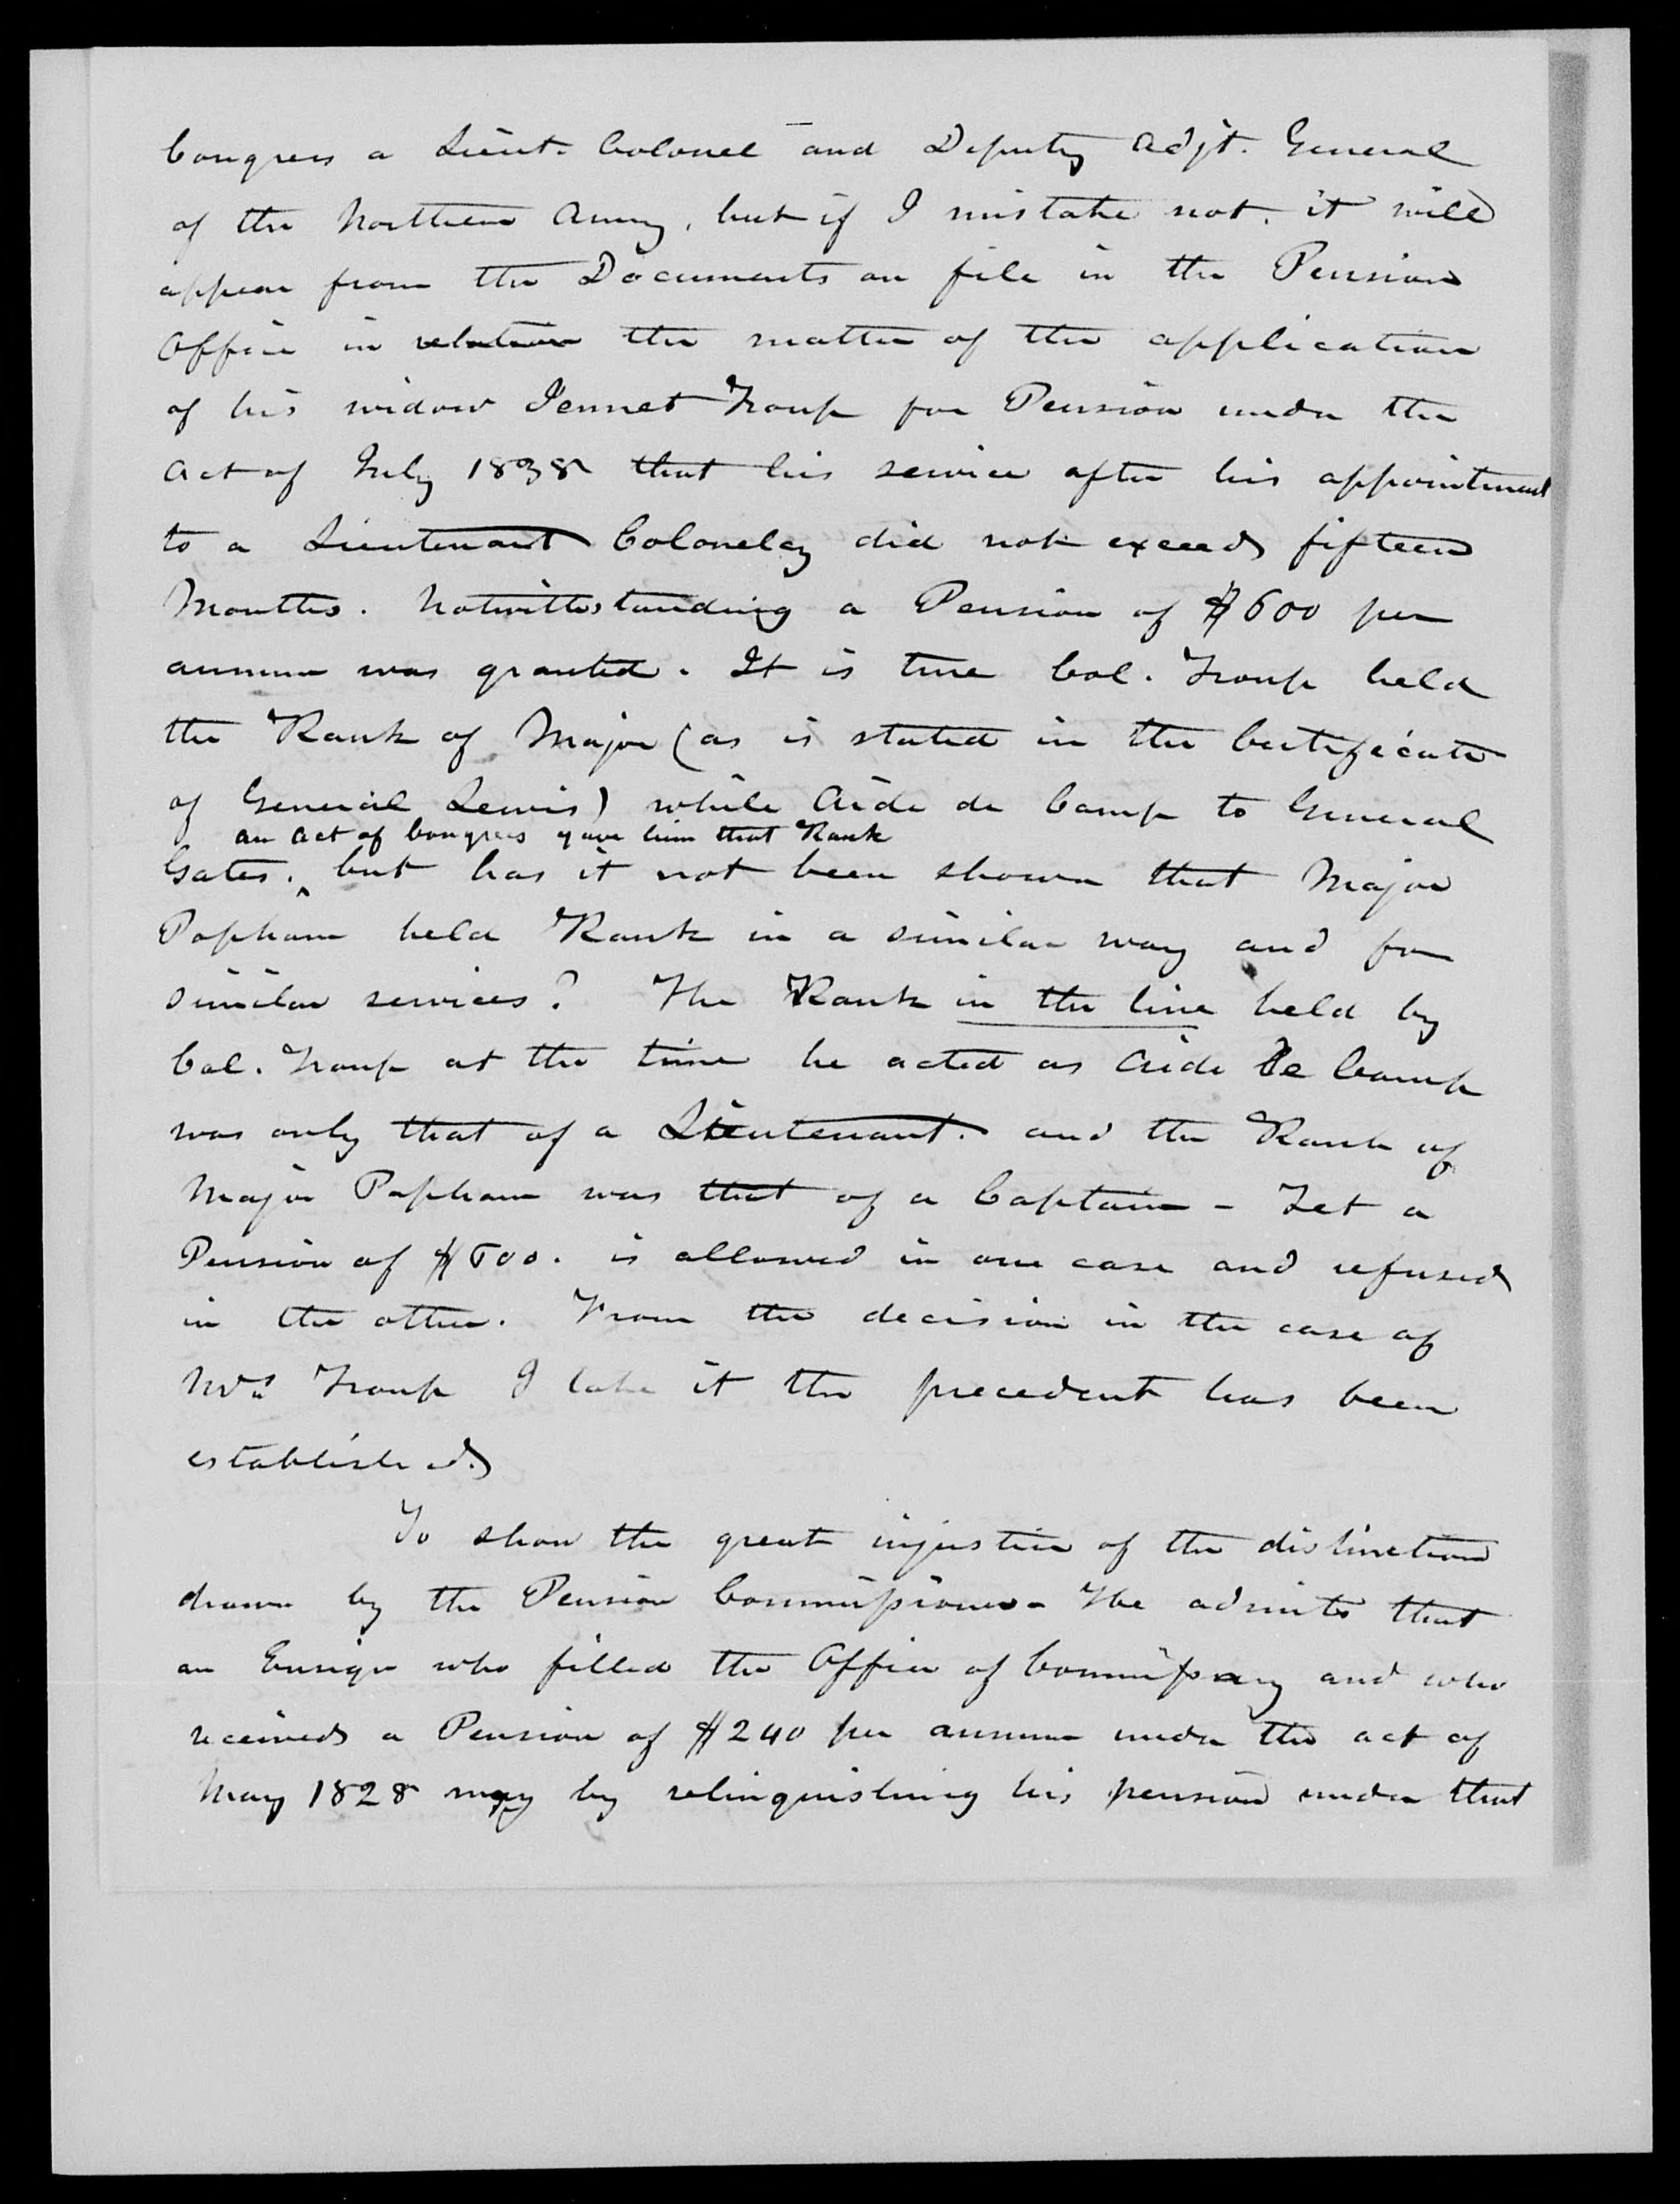Congress a Lieut. Colonel and Deputy Adjt.
of the Northern Army, but if I mistake not, it will
appear from the Documents on file in the Pension
Office in relation the matter of the application
of his widow Jennet Troup for Pension under the
act of July 1838 that his service after his appointment
to a Lieutenant Colonely did not exceed fifteen
Months. Notwithstanding a Pension of $600 per
annum was granted. It is true Col. Frank held
the Rank of Major (as is stated in the Certificate
of General Lewis), while Aide de Camp to General Gates, ^
an act of Congress gave him that Rank
but has it not been shown that Major
Popham held Rank in a similar may and for
similar services? The Rank in the line held by
Col. Troup at the time he acted as Aid de Camp was only that of a Lieutenant and the Rank of Major Popham was that of a Captain - Let a Pension of $600 is allowed in one case and refused
in the other. From the decision in the case of
Wm Troup I take it the precedent has been
establish

To show the great injustice of the distinction
drawn by the Pension Commissioner. He admits that
an ensign who filled the Office of Commissary and who
received a Pension of $240 per annum under the act of
May 1828 may by relinquishing his pension under that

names: Jennet Troup; [BLANK] Popham; [BLANK] Gates; [BLANK] Lewis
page: 25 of 75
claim: survivor's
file: S. 9989, for William Popham, Delaware